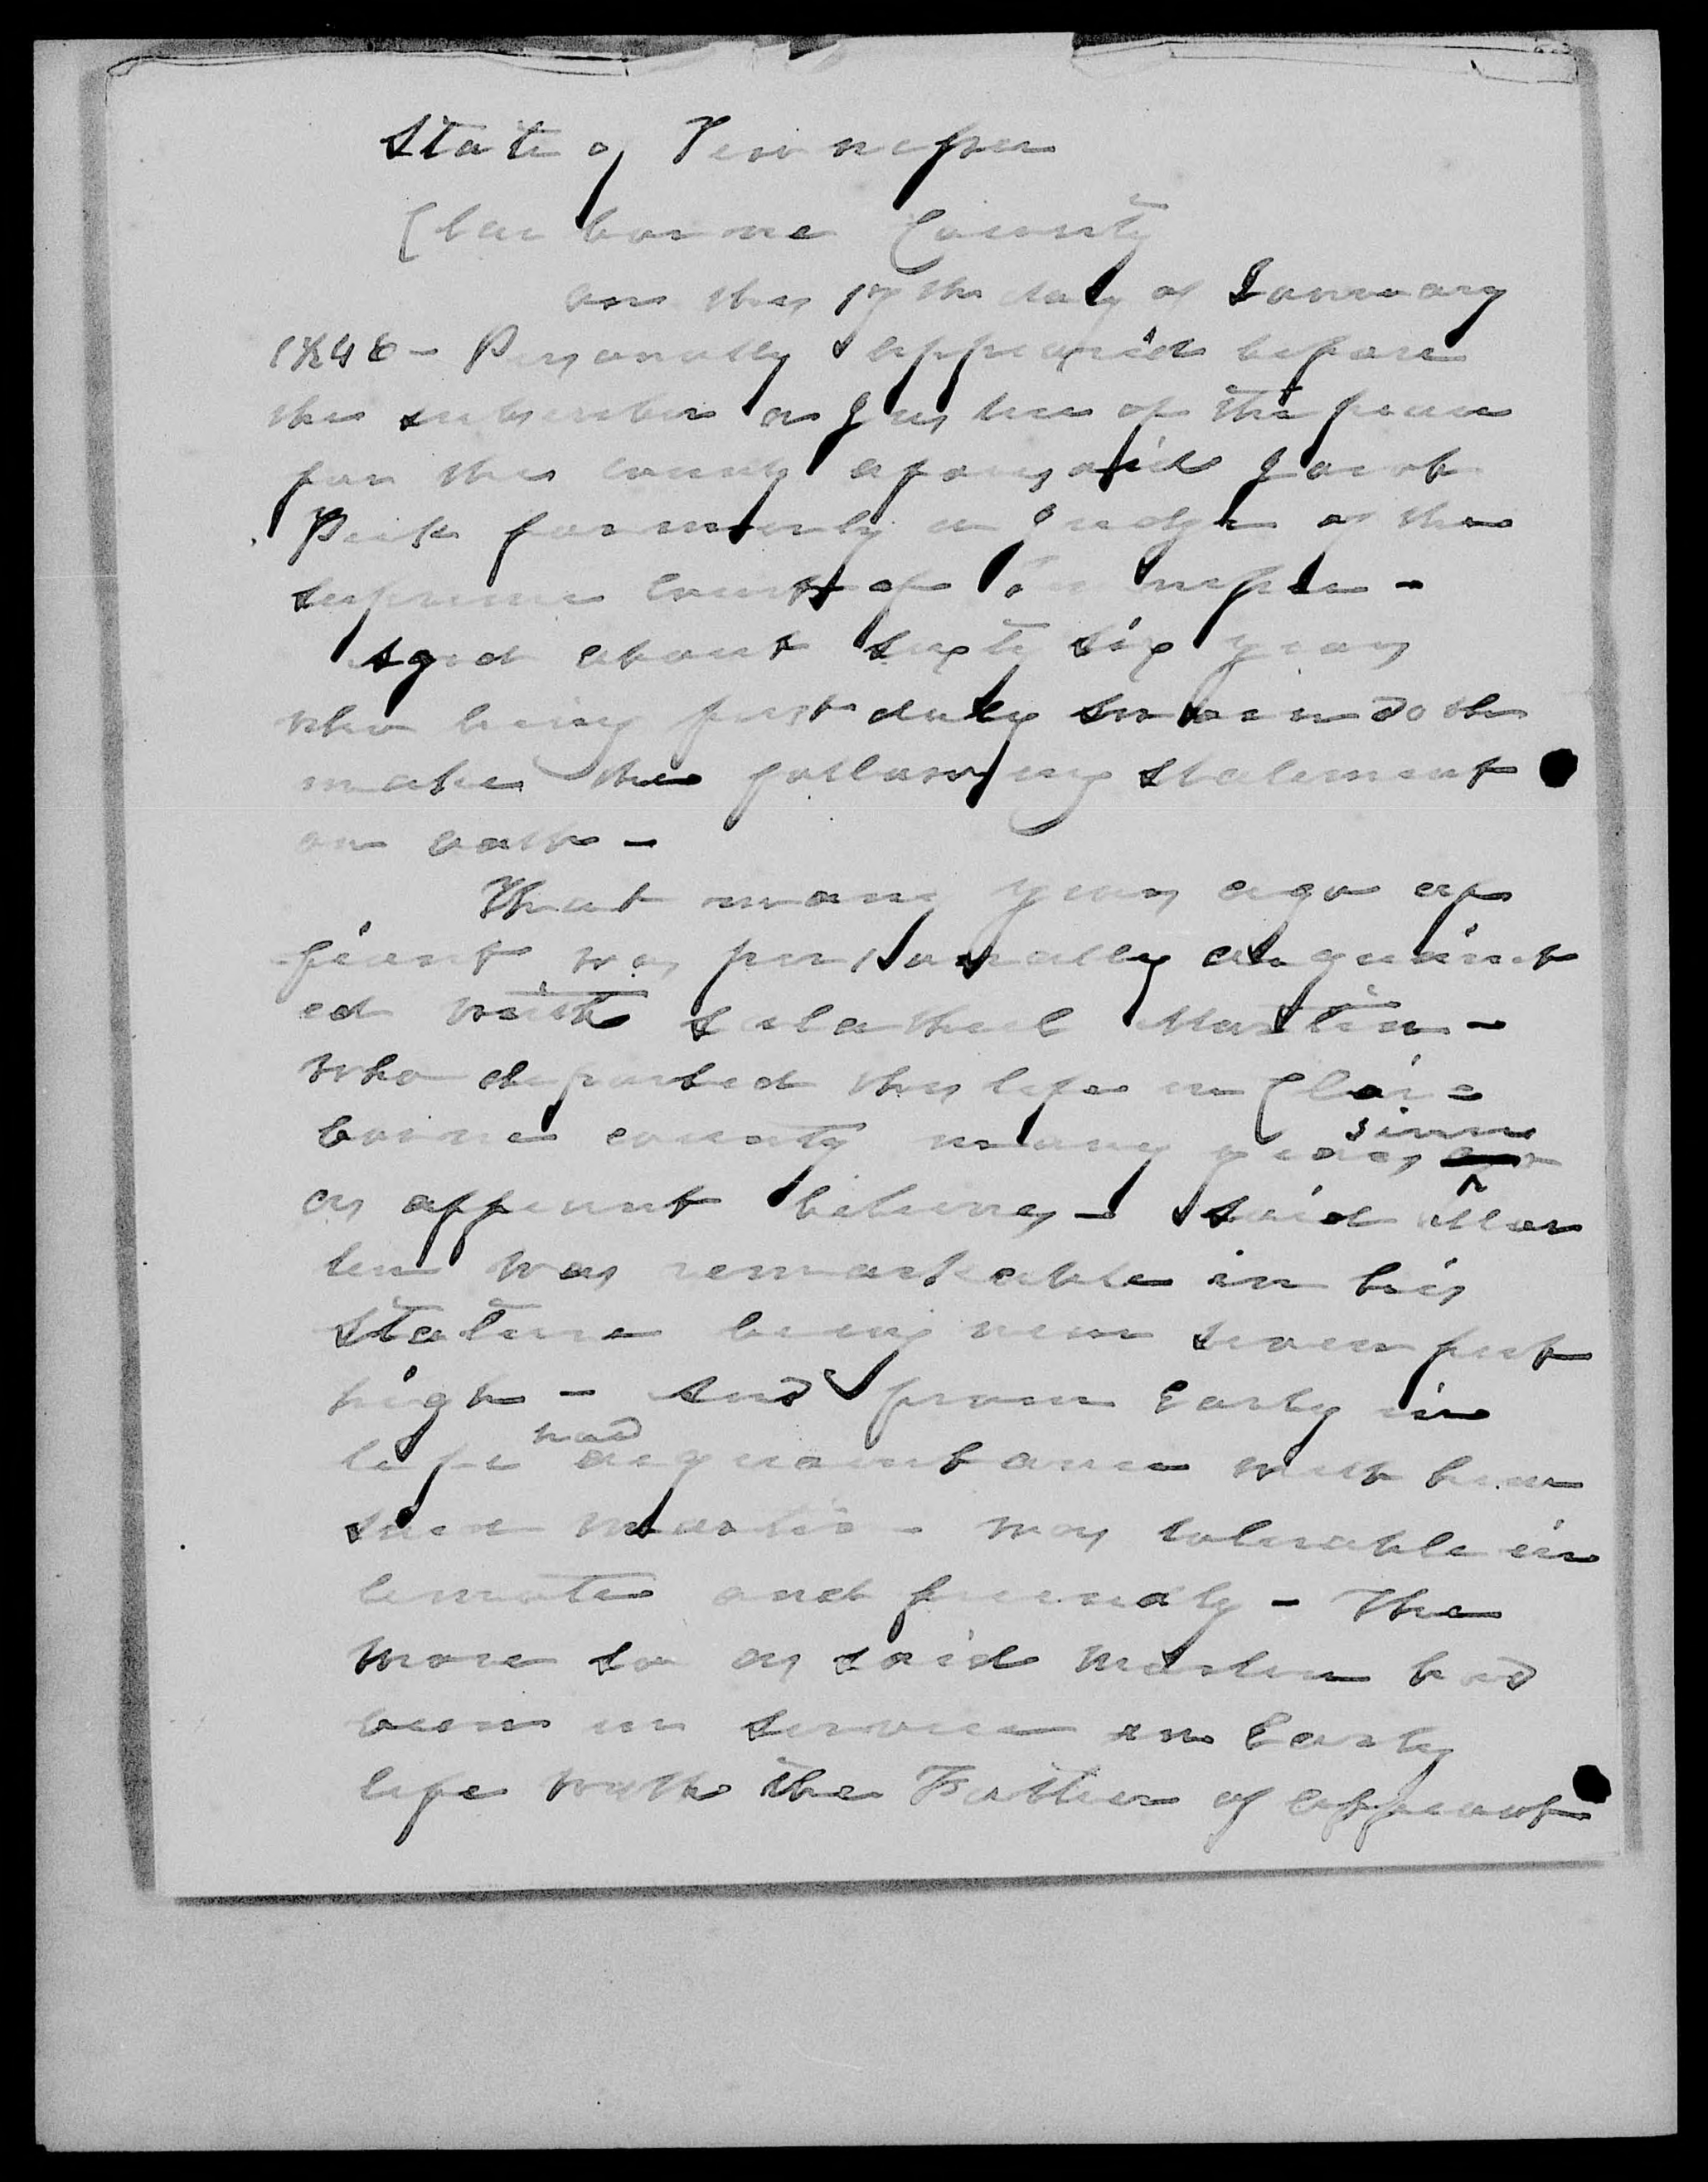State of Tennessee
Claiborne County
on this 17th day of January
1846 - Personally appeared before
this subscriber a Justice of the peace
for this county aforesaid Jacob
Peck formerly a Justice of the
Supreme Court of Tennessee.
Aged about sixty six years
who being first duly sworn doth
make the following statement
on oath__
That many years ago af
fiant was personally acquaint
ed with Salathiel Martin _
who departed this life in Clai=
borne county many years since
as affiant believes said Mar
tin was remarkable in his
stature being near seven feet
high _ and from early in
life has acquaintance with him
[illegible] may tolerable in
limited and friendly - The
more for by said Martin had 
been in service in Early
life with the Father of affiant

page: 80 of 120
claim: widow's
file: W. 1044, for Salathiel Martin, North Carolina